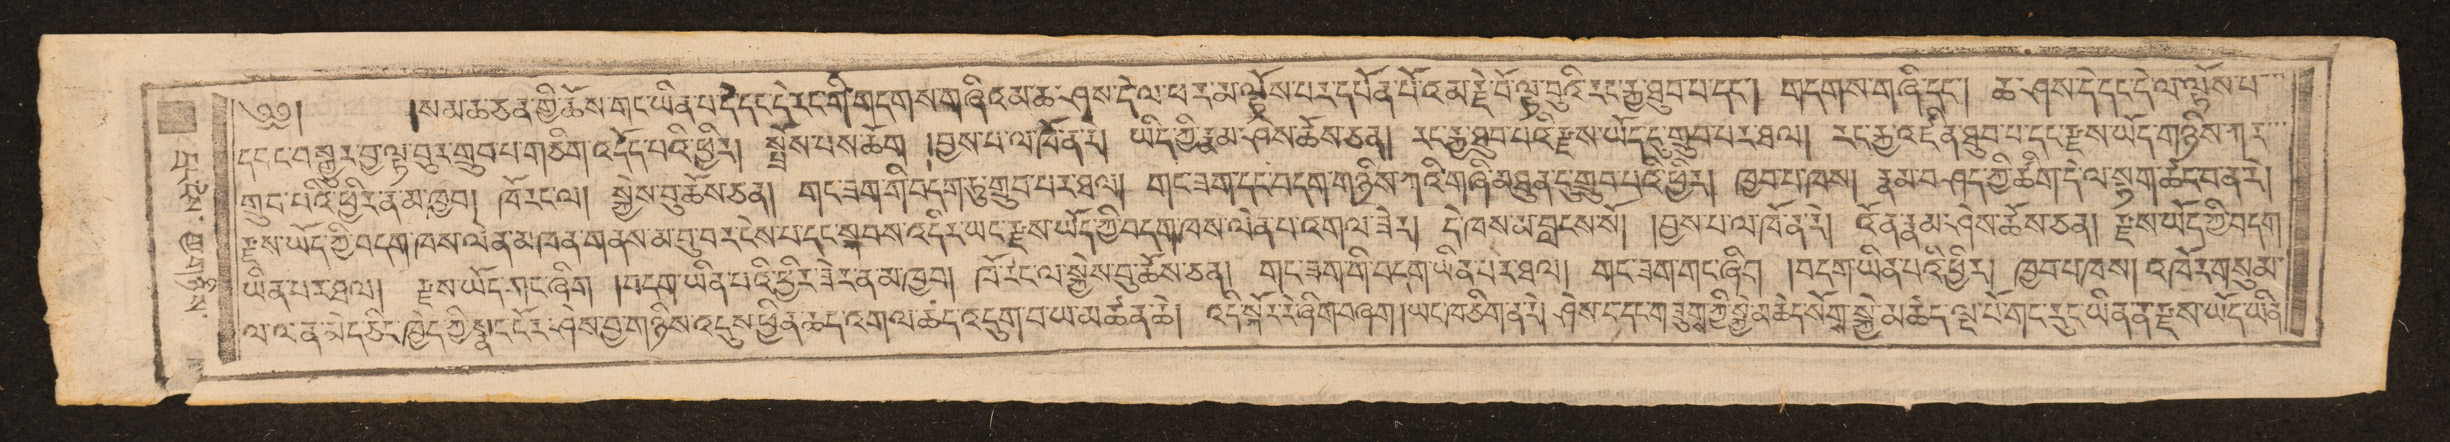༄༅། །སམ་ཆ་ཅན་གྱི་ཆོས་གང་ཡིན་པ་དེ་དང་དེ་རང་གི་གདགས་གཞིའམ་ཆ་ཤས་དེ་ལ་ཕར་མ་ལྟོས་པར་དཔོན་པོའམ་རྗེ་བོ་ལྟ་བུའི་རང་རྐྱ་ཐུབ་པ་དང་། གདགས་གཞི་དང་། ཆ་ཤས་དེ་དང་དེ་ལ་ལྟོས་པ་
དབང་བསྒྱུར་བྱ་ལྟ་བུར་གྲུབ་པ་གཅིག་འདོད་པའི་ཕྱིར། སྤྲོས་པས་ཆོག །བྱས་པ་ལ་ཁོ་ན་རེ། ཡིད་ཀྱི་རྣམ་ཤེས་ཆོས་ཅན། རང་རྐྱ་ཐུབ་པའི་རྫས་ཡོད་དུ་གྲུབ་པར་ཐལ། རང་རྐྱ་འཛིན་ཐུབ་པ་དང་རྫས་ཡོད་གཉིས་ཀར་
གྲུབ་པའི་ཕྱིར་ན་མ་ཁྱབ། ཁོ་རང་ལ། སྐྱེས་བུ་ཆོས་ཅན། གང་ཟག་གི་བདག་ཏུ་གྲུབ་པར་ཐལ། གང་ཟག་དང་བདག་གཉིས་ཀའི་གཞི་མཐུན་དུ་གྲུབ་པའི་ཕྱིར། ཁྱབ་པ་ཁས། རྣམ་བཤད་ཀྱི་ཚིག་དེ་ལ་སྟག་ཚང་བ་ན་རེ།
རྫས་ཡོད་ཀྱི་བདག་ཁས་ལེན་མཁན་གནས་མ་བུ་བར་ངེས་པ་དང་སྐབས་འདིར་ཡང་རྫས་ཡོད་ཀྱི་བདག་ཁས་ལེན་པ་འགལ་ཟེར། དེ་ཁས་མ་བླངས་སོ། །བྱས་པ་ལ་ཁོ་ན་རེ། འོ་ན་རྣམ་ཤེས་ཆོས་ཅན། རྫས་ཡོད་ཀྱི་བདག་
ཡིན་པར་ཐལ། རྫས་ཡོད་གང་ཞིག །བདག་ཡིན་པའི་ཕྱིར་ཟེར་ན་མ་ཁྱབ། ཁོ་རང་ལ་སྐྱེས་བུ་ཆོས་ཅན། གང་ཟག་གི་བདག་ཡིན་པར་ཐལ། གང་ཟག་གང་ཞིག །བདག་ཡིན་པའི་ཕྱིར། ཁྱབ་པ་ཁས། འཁོར་གསུམ་
ལ་ལན་མེད་ཅིང་ཁྱེད་ཀྱི་སྣང་ངོར་ཤེས་བྱ་གཉིས་འདུས་ཕྱིན་ཆད་འགལ་ཚང་འདུག་པ་ཡ་མཚན་ཆེ། འདི་སྐོར་རེ་ཞིག་བཞག །ཡང་ཁ་ཅིག་ན་རེ། ཤེས་པ་དང་གཟུགས་ཀྱི་སྐྱེ་མཆེད་སོགས་སྐྱེ་མཆེད་ལྔ་པོ་གང་རུང་ཡིན་ན་རྫས་ཡོད་ཡིན་